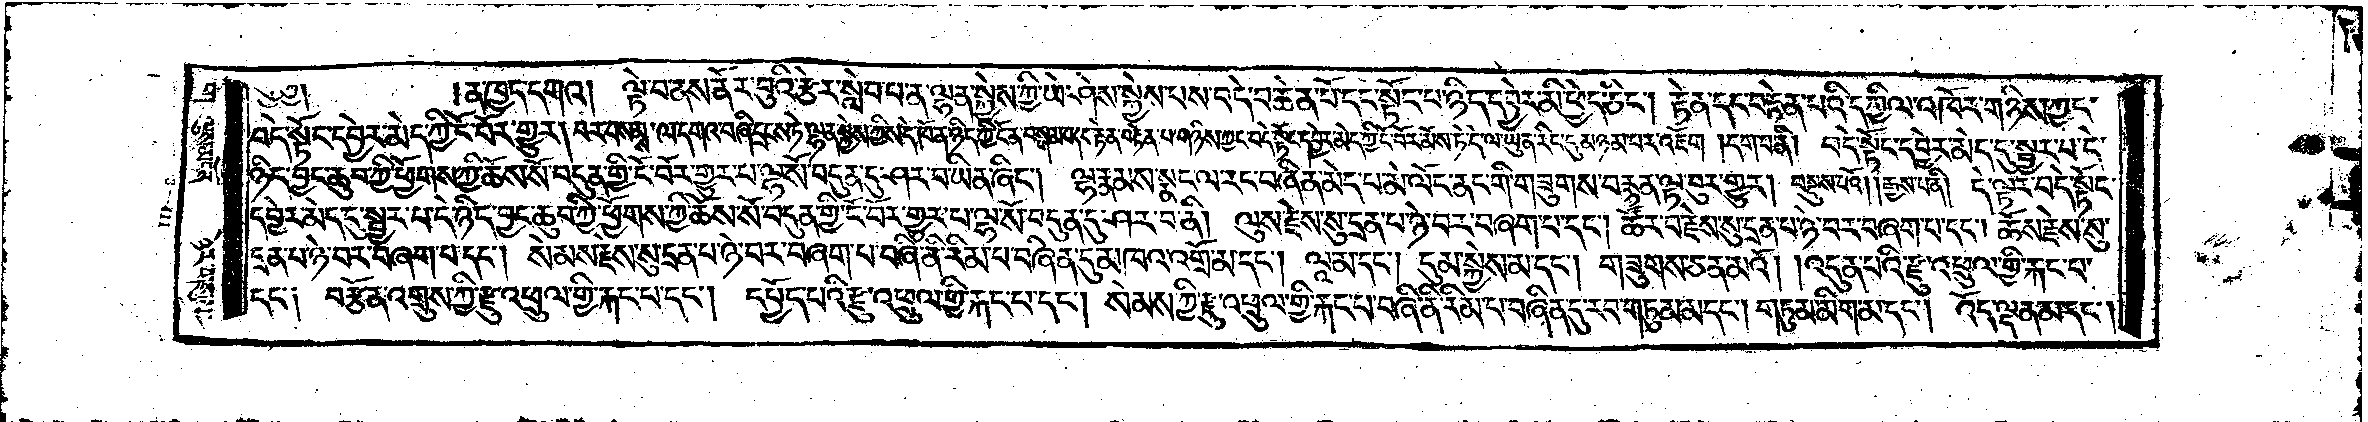༄༅། །ན་ཁྱད་དགའ། ལྟེ་བ་ནས་ནོར་བུའི་རྩེར་སླེབ་པ་ན་ལྷན་སྐྱེས་ཀྱི་ཡེ་ཤེས་སྐྱེས་པས་བདེ་བ་ཆེན་པོ་དང་སྟོང་པ་ཉིད་དབྱེར་མི་ཕྱེད་ཅིང་། རྟེན་དང་བརྟེན་པའི་དཀྱིལ་འཁོར་གཉིས་ཀྱང་
བདེ་སྟོང་དབྱེར་མེད་ཀྱི་ངོ་བོར་གྱུར། བར་བསམས་ལ་དགའ་བཞི་དྲངས་ཏེ་ལྷན་སྐྱེས་ཀྱིས་དེ་ཁོ་ན་ཉིད་ཀྱི་དོན་བསྒམ་བདང་རྟེན་བརྟེན་པ་གཉིས་ཀྱང་བདེ་སྟོང་དབྱེར་མེད་ཀྱི་ངོ་བོར་མོས་ཏེ་དེ་ལ་ཡུན་རིང་དུ་མཉམ་པར་འཇོག །དག་པ་ནི། བདེ་སྟོང་དབྱེར་མེད་དུ་སྦྱར་པ་དེ་
ཉིད་བྱང་ཆུབ་ཀྱི་ཕྱོགས་ཀྱི་ཆོས་སོ་བདུན་གྱི་ངོ་བོར་གྱུར་པ་ལྷ་སོ་བདུན་དུ་ཤར་བ་ཡིན་ཞིང་། ལྷ་རྣམས་སྣང་ལ་རང་བཞིན་མེད་པ་མེ་ལོང་ནང་གི་གཟུགས་བརྙན་ལྟ་བུར་གྱུར། བསྡུས་པའོ། །རྒྱས་པ་ནི།  དེ་ལྟར་བདེ་སྟོང་
དབྱེར་མེད་དུ་སྦྱར་པ་དེ་ཉིད་བྱང་ཆུབ་ཀྱི་ཕྱོགས་ཀྱི་ཆོས་སོ་བདུན་གྱི་ངོ་བོར་གྱུར་པ་ལྷ་སོ་བདུན་དུ་ཤར་བ་ནི། ལུས་རྗེས་སུ་དྲན་པ་ཉེ་བར་བཞག་པ་དང་། ཚོར་བ་རྗེས་སུ་དྲན་པ་ཉེ་བར་བཞག་པ་དང་། ཆོས་རྗེས་སུ་
དྲན་པ་ཉེ་བར་བཞག་པ་དང་། སེམས་རྗེས་སུ་དྲན་པ་ཉེ་བར་བཞག་པ་བཞི་ནི་རིམ་པ་བཞིན་དུ་མཁའ་འགྲོ་མ་དང་། ལཱ་མ་དང་། དུ་མ་སྐྱེས་མ་དང་། གཟུགས་ཅན་མའོ། །འདུན་པའི་རྫུ་འཕྲུལ་གྱི་རྐང་པ་
དང༑ བརྩོན་འགྲུས་ཀྱི་རྫུ་འཕྲུལ་གྱི་རྐང་པ་དང་། དཔྱོད་པའི་རྫུ་འཕྲུལ་གྱི་རྐང་པ་དང་། སེམས་ཀྱི་རྫུ་འཕྲུལ་གྱི་རྐང་པ་བཞི་ནི་རིམ་པ་བཞིན་དུ་རབ་གཏུམ་མ་དང་། གཏུམ་མིག་མ་དང་། འོད་ལྡན་མ་དང་།